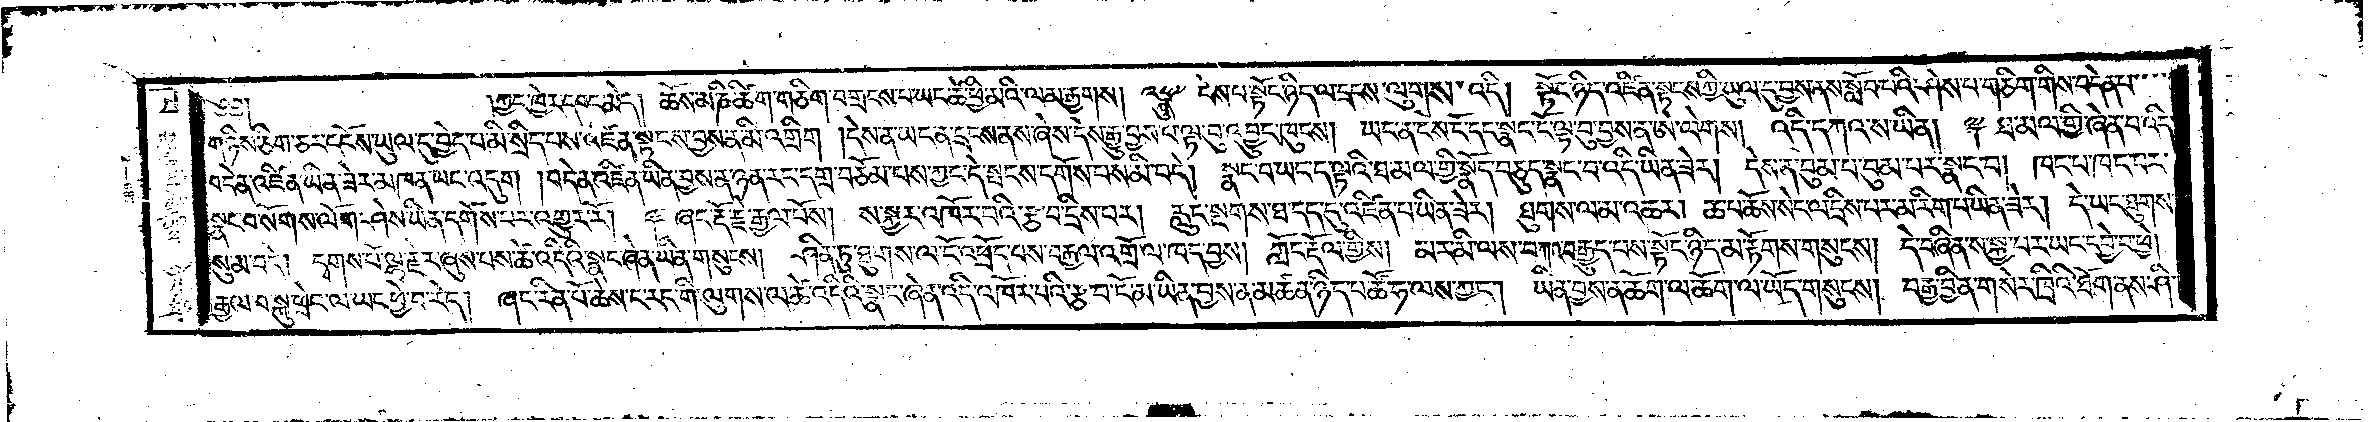༄༅། །ཀྱང་ཁྱེར་དབང་མེད། ཆོས་མཎི་ཚིག་གཅིག་བགྲངས་པ་ཡང་ཚེ་ཕྱི་མའི་ལམ་རྒྱགས། ༢༨༧ན༦་ངེས་པ་སྟོང་ཉིད་ལ་དྲངས་ལུགས་འདི། སྟོང་ཉིད་འཛིན་སྟངས་ཀྱི་ཡུལ་དུ་བྱས་ནས་སློབ་པའི་ཤེས་པ་གཅིག་གིས་བདེན་པ་
གཉིས་ཅིག་ཅར་དངོས་ཡུལ་དུ་བྱེད་པ་མི་སྲིད་པས་འཛིན་སྟངས་བྱས་ན་མི་འགྲིག །དེས་ན་ཡང་ན་དྲངས་ནས་ཞེས་དེས་རྒྱུ་བྱས་པ་ལྟ་བུ་འབྱུང་ཁུངས། ཡང་ན་ངེས་ངོ་དང་སྣང་ངོ་ལྟ་བུ་བྱས་ན་ཨ་ལེགས། འདི་དཀའ་ས་ཡིན། ༈ ཐ་མལ་གྱི་ཞེན་པ་འདི་
བདེན་འཛིན་ཡིན་ཟེར་མཁན་ཡང་འདུག །བདེན་འཛིན་ཡིན་བྱས་ན་ཉན་རང་དགྲ་བཅོམ་པས་ཀྱང་དེ་སྤངས་དགོས་པས་མི་བདེ། སྣང་བ་ཡང་ད་ལྟའི་ཐ་མལ་གྱི་སྣོད་བཅུད་སྣང་བ་འདི་ཡིན་ཟེར། དེས་ན་བུམ་པ་བུམ་པར་སྣང་བ། ཁང་པ་ཁང་པར་
སྣང་བ་སོགས་ལོག་ཤེས་ཡིན་དགོས་པར་འགྱུར་རོ། ༈ ཞང་རྡོ་རྗེ་རྒྱལ་པོས། ས་སྐྱར་འཁོར་བའི་རྩ་བ་དྲིས་པར། རླུང་སྔགས་ཐ་དད་དུ་འཛིན་པ་ཡིན་ཟེར། ཐུགས་ལམ་འཆར། ཆ་པ་ཆོས་སེང་ལ་དྲིས་པར་མ་རིག་པ་ཡིན་ཟེར། དེ་ཡང་ཐུགས་
སུ་མ་བདེ། དྭགས་པོ་ལྷ་རྗེར་ཞུས་པས་ཚེ་འདིའི་སྣང་ཞེན་ཡིན་གསུངས། ཤིན་ཏུ་ཐུགས་ལ་ངོ་འཕྲོད་པས་བརྒྱལ་འགྲོ་ལ་ཁད་བྱས། ཀློང་རྡོལ་གྱིས། མར་མི་ལས་བཀའ་བརྒྱུད་པས་སྟོང་ཉིད་མ་རྟོགས་གསུངས། དེ་བཞིན་ས་སྐྱ་པར་ཡང་དབྱེ་བ་ཕྱེ།
རྒྱལ་བསྐུ་ཕྲེང་ལ་ཡང་ཕྱེ་བ་རེད། ཞང་རིན་པོ་ཆེས་ང་རང་གི་ལུགས་ལ་ཚེ་འདིའི་སྣང་ཞེན་འདི་འཁོར་པའི་རྩ་བ་ངོ་མ་ཡིན་བྱས་ན་མཚན་ཉིད་པ་ཚོ་ཧ་ལས་ཀྱང་། ཡིན་བྱས་ན་ཆོག་ལ་ཆོག་ལ་ཡོད་གསུངས། བརྒྱ་བྱིན་གསེར་ཁྲིའི་ཐོག་ནས་ཤི་